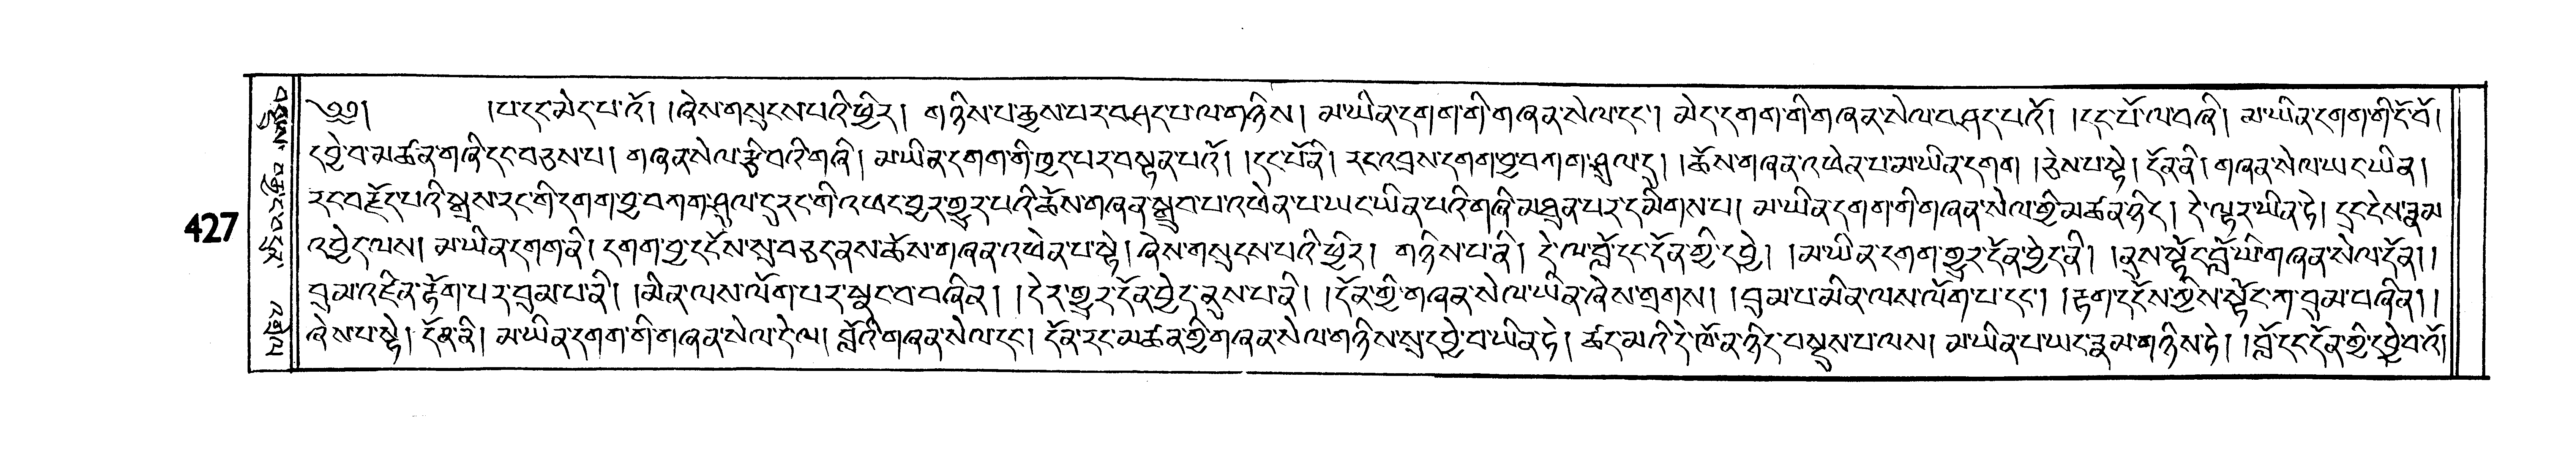༄༅། །པ་དང་མེད་པ་འོ། །ཞེས་གསུངས་པའི་ཕྱིར། གཉིས་པ་རྒྱས་པར་བཤད་པར་ལ་གཉིས། མ་ཡིན་དགག་གི་གཞན་སེལ་དང་། མེད་དགག་གི་གཞན་སེལ་བཤད་པའོ། །དང་ཨོ་ལ་བཞི། མ་ཡིན་དགག་གི་ངོ་བོ།
དབྱེ་བ་མཚན་གཞི་དང་བཅས་པ་། གཞན་སེལ་རྩི་བའི་གཞི། མ་ཡིན་དགག་གི་ཁྱད་པར་བསྟན་པའོ། །དང་པོ་ནི། རང་འབྲས་དགག་བྱ་བཀག་ཤུལ་དུ། །ཆོས་གཞན་འཕེན་པ་མ་ཡིན་དགག། །ཅེས་པ་སྟེ། གཞན་སེལ་ཡང་ཡིན།
རང་བརྗོད་པའི་སྒྲས་རང་གི་དགག་བྱ་བཀག་ཤུལ་དུ་རང་གི་འཕང་བྱར་གྱུར་པའི་ཆོས་གཞན་སྒྲུབ་པ་འཕེན་པཡང་ཡིན་པའི་གཞི་མཐུན་པར་དམིགས་པ། མ་ཡིན་དགག་གི་གཞན་སེལ་གྱི་མཚན་ཉིད། དེ་ལྟར་ཡིན་ཏེ། དྲང་ངེས་རྣམ་
འབྱེད་ལས། མ་ཡིན་དགག་ནི། དགག་བྱ་དངོས་སུ་བཅད་ནས་ཆོས་གཞན་འཕེན་པ་སྟེ། ཞེས་གསུངས་པའི་ཕྱིར། གཉིས་པ་ནི། དེ་ལ་བློ་དང་དོན་གྱི་དབྱེ། །མ་ཡིན་དགག་གྱུར་དོན་བྱེད་ནི། །ནུས་སྟོང་བློ་ཡིག་གཞན་སེལ་དོན། །
བུམ་འཛིན་རྟོག་པར་བུམ་པ་ནི། །མིན་ལས་ལོག་པར་སྣང་བ་བཞིན། །དེར་གྱུར་དོན་བྱེད་ནུས་པ་ནི། །དོན་གྱི་གཞན་སེལ་ཡིན་ཞེས་གྲགས། །བུམ་པ་མིན་ལས་ལྒོ་པ་དང་། །རྟག་དངོས་ཀྱིས་སྟོང་ཀ་བུམ་བཞིན།།
ཞེས་པ་སྟེ། དོན་ནི། མ་ཡིན་དགག་གི་གཞན་སེལ་དེ་ལ། བློའི་གཞན་སེལ་དང་། དོན་རང་མཚན་གྱི་གཞན་སེལ་གཉིས་སྲ་དབྱེ་བ་ཡིན་ཏེ། ཚད་མའི་དེ་ཁོ་ན་ཉིད་བསྡུས་པ་ལས། མ་ཡིན་པ་ཡང་རྣམ་གཉིས་ཏེ། །བློ་དང་དོན་གྱི་དབྱེ་བའོ། །